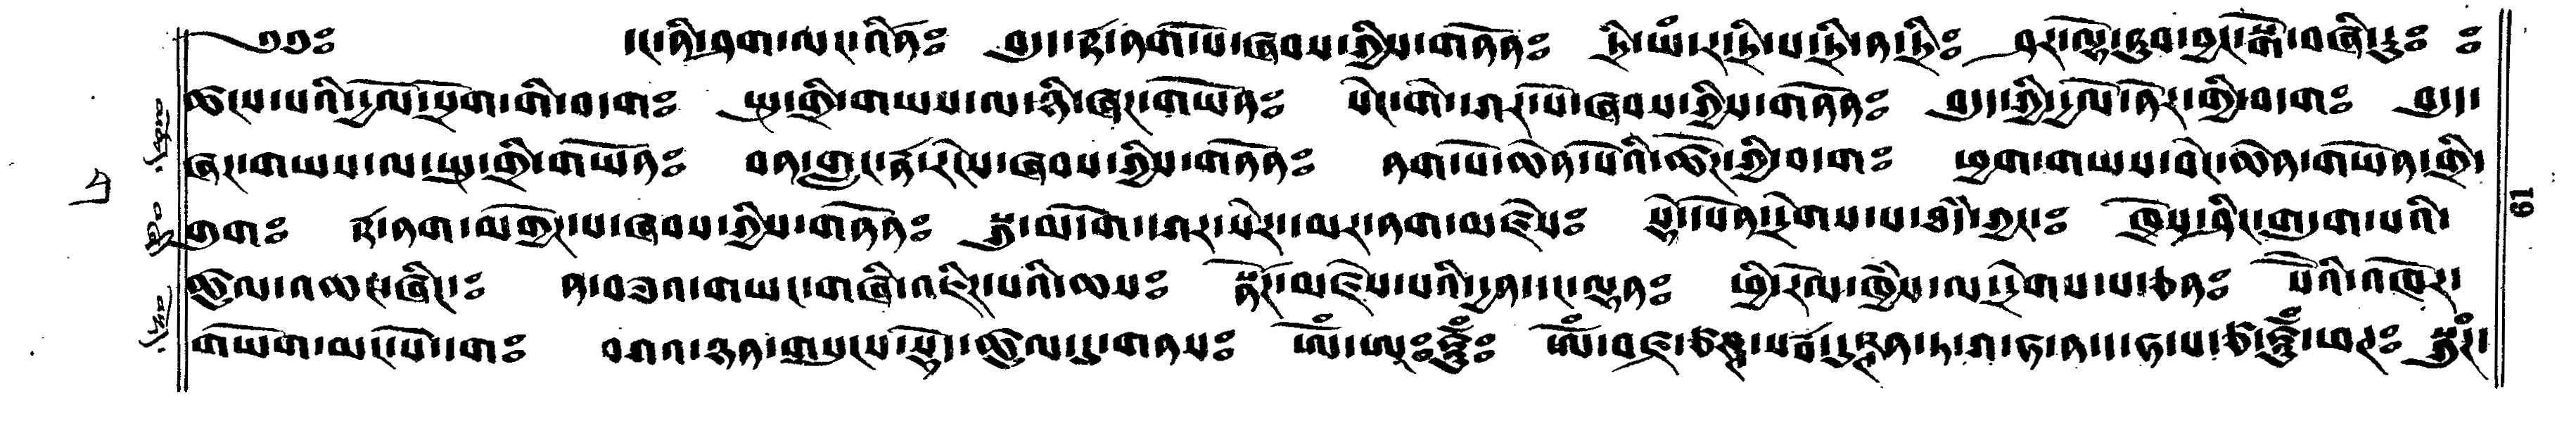དང་ནི་ཤང་ལང་འཛིནཿ བདུད་རྟ་ནག་པོ་ཞབས་ཀྱིས་གནོནཿ ཏྲི་ཡཾ་ར་ཏྲི་པ་ཏྲི་ན་ཏྲིཿཤར་ལྷོ་ནུབ་བྱང་སྒོ་བཞི་རུཿ 
ཚངས་པའི་རྒྱལ་པོ་སྲོག་གི་བདགཿ སྤུ་གྲི་གཡས་ལ་ཉི་ཞགས་གཡོནཿ སེང་གེ་དཀར་པོ་ཞབས་ཀྱིས་གནོནཿ བདུད་ཀྱི་རྒྱལ་པོ་ནོར་གྱི་བདགཿ བདུད་
ཞགས་གཡས་ལ་སྤུ་གྲི་གཡོནཿ བན་གླང་རྣ་རེངས་ཞབས་ཀྱིས་གནོནཿ ནག་པོ་ཆེན་པོ་ཚོགས་ཀྱི་བདགཿ ཕྱག་གཡས་བེང་ཆེན་གཡོན་གྲི་
གུགཿ རྟ་ནག་མགྱོགས་པ་ཞབས་ཀྱིས་གནོནཿ སྐུ་མདོག་དཀར་སེར་དམར་ནག་མཛེསཿ སྡེ་དཔོན་དྲེགས་པ་ཐམས་ཅད་ཀྱང་ཿ ཁྲོས་ཤིང་གདུག་པའི་
ཚུལ་འཆང་ཞིང་ཿ ན་བཟའ་གཡང་གཞི་འཇིགས་པའི་ཆསཿ སྣ་ཚོགས་མཛེས་པའི་རྒྱན་དང་ལྡནཿ ཕྱི་རོལ་ཁྱམས་ལ་དྲེགས་པ་ཅནཿ སོ་སོའི་འཁོར་
གཡོག་མང་པོ་དགཿ བཀའ་ཉན་གསུང་སྡོད་ཚུལ་དུ་གནསཿ ཨོཾ་ཨཱཿཧཱུྃ༔ ཨོཾ་བཛྲ་ཙཎྚ་སརྦ་དུཎྚན་ཏ་ཀ་ཧ་ན་ད་ཧ་པ་ཙ་ཧཱུྃ་ཕཊཿ སྐུ་གསུང་ཐུུགས་